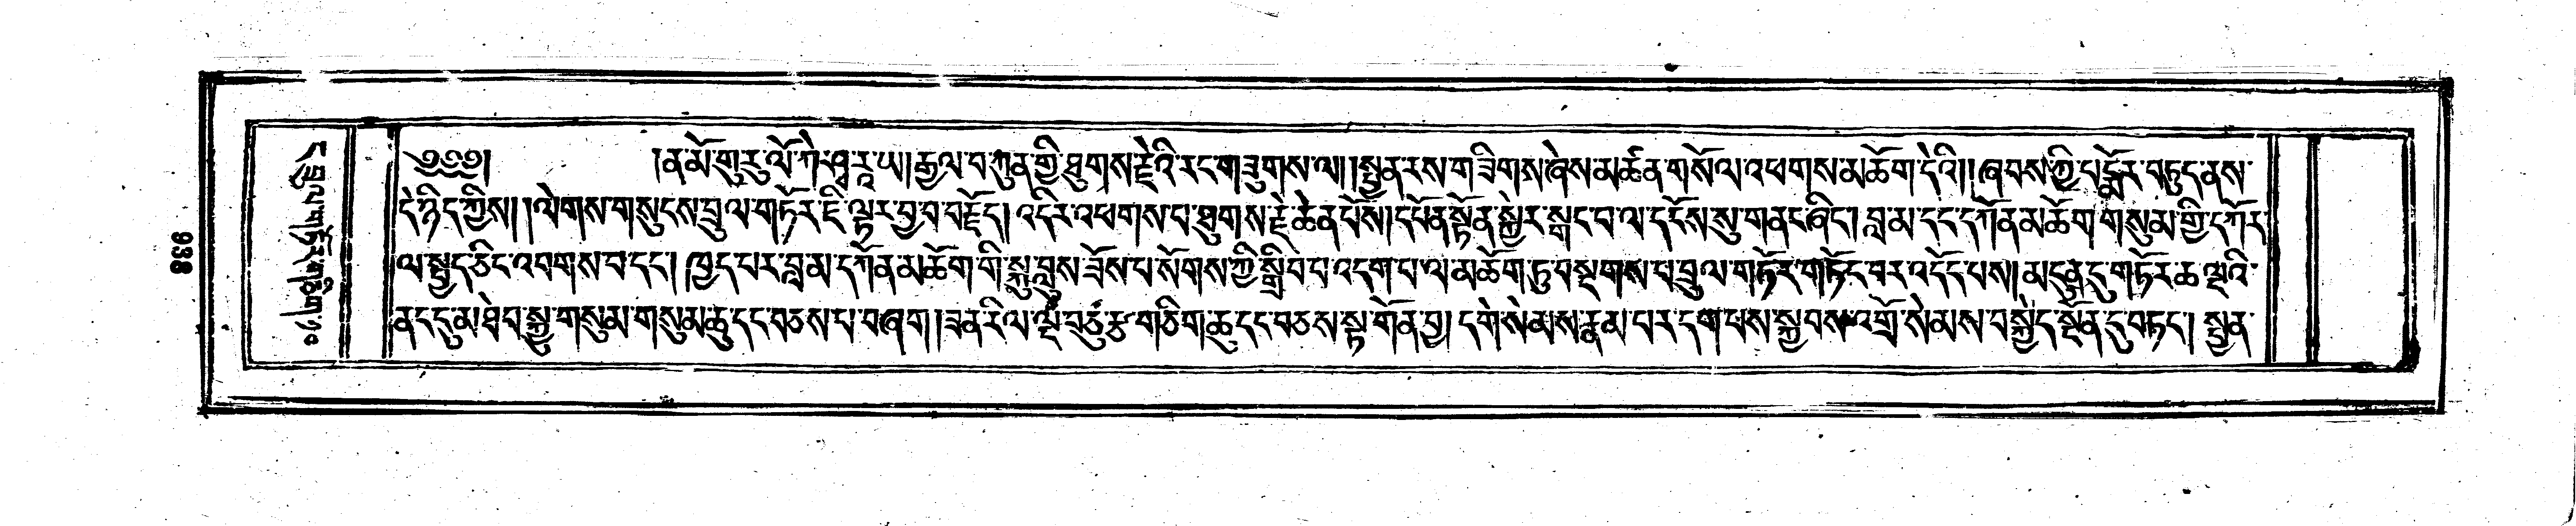༄༅༅། །ན་མོ་གུ་རུ་ལོ་ཀེ་ཤྭ་རཱ་ཡ། རྒྱལ་བ་ཀུན་གྱི་ཐུགས་རྗེའི་རང་གཟུགས་ལ། །སྤྱན་རས་གཟིགས་ཞེས་མཚན་གསོལ་འཕགས་མཆོག་དེའི། །ཞབས་ཀྱི་པདམོར་བཏུད་ནས་
དེ་ཉིད་ཀྱིས། །ལེགས་གསུངས་བྲུལ་གཏོར་ཇི་ལྟར་བྱ་བ་བརྗོད། འདིར་འཕགས་པ་ཐུགས་རྗེ་ཆེན་པོས། དཔོན་སྟོན་སྐྱེར་སྒང་པ་ལ་དངོས་སུ་གནང་ཞིང་། བླ་མ་དང་དཀོན་མཆོག་གསུམ་གྱི་དཀོར་
ལ་སྤྱད་ཅིང་འབགས་པ་དང་། ཁྱད་པར་བླ་མ་དཀོན་མཆོག་གི་སྐུ་བླུས་ཟོས་པ་སོགས་ཀྱི་སྒྲིབ་པ་འདག་པ་ལ་མཆོག་ཏུ་བསྔགས་པ་བྲུལ་གཏོར་གཏོང་བར་འདོད་པས། མདུན་དུ་གཏོར་ཆ་ལྔའི་
ནང་དུ་མཐེབ་སྐྱུ་གསུམ་གསུམ་ཆུ་དང་བཅས་པ་བཞག །ཟན་རིལ་ལྔ་བཅུ་རྩ་གཅིག་ཆུ་དང་བཅས་སྟ་གོན་བྱ། དགེ་སེམས་རྣམ་པར་དག་པས་སྐྱབས་འགྲོ་སེམས་བསྐྱེད་སྔོན་དུ་བཏང་། སྤྱན་